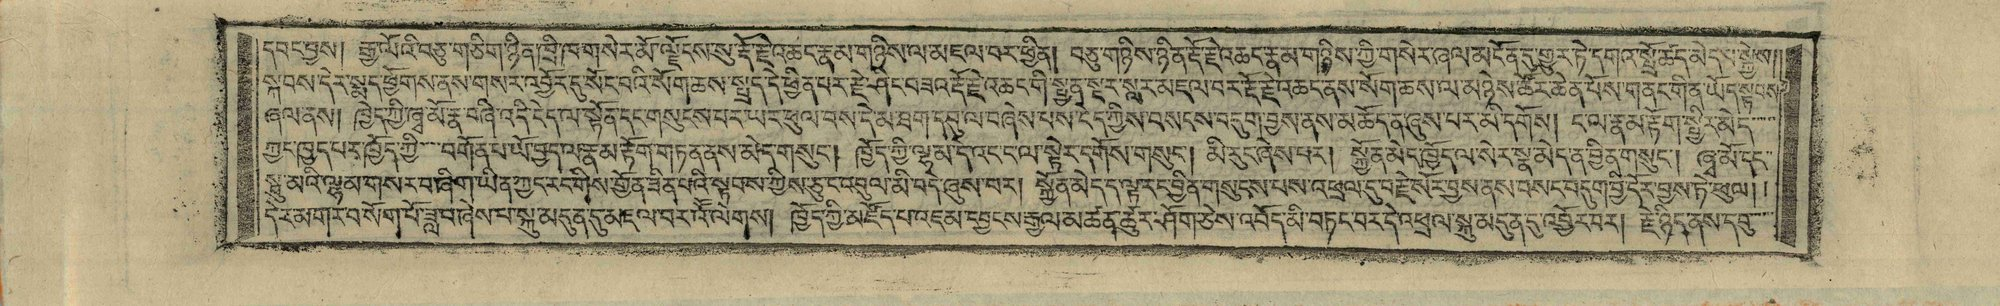དབང་བྱས། རྒྱ་ལོའི་བཅུ་གཅིག་ཉིན་ཁྲི་ཁ་གསེར་མོ་ལྗོངས་སུ་རྡོ་རྗེ་འཆང་རྣམ་གཉིས་ལ་མཇལ་བར་ཕྱིན། བཅུ་གཉིས་ཉིན་རྡོ་རྗེ་འཆང་རྣམ་གཉིས་ཀྱི་གསེར་ཞལ་མངོན་དུ་གྱུར་ཏེ་དགའ་སྤྲོ་ཚད་མེད་པ་སྐྱེས།
སྐབས་དེར་སྨད་ཕྱོགས་ནས་གསར་འབྱོར་དུ་སོང་བའི་སོག་ཆས་སྤྲད་དེ་ཕྱིན་པར་རྗེ་ཤིང་བཟའ་རྡོ་རྗེ་འཆང་གི་སྤྱན་སྔར་སླར་མཇལ་བར་རྡོ་རྗེ་འཆང་ནས་སོག་ཆས་ལ་མཉེས་ཚོར་ཆེན་པོས་གནང་གིན་ཡོད་སྟབས་
ཞལ་ནས། ཁྱེད་ཀྱི་ཞྭ་མོ་རྣ་བཞི་འདི་ངེད་ལ་སྟོན་དང་གསུངས་པར་ཡར་ཕུལ་བས་དེ་མ་ཐག་དབུ་ལ་བཞེས་པས་ངེད་ཀྱིས་བསངས་བདུག་བྱས་ནས་མཆོད་ན་ཞུས་པར་མི་དགོས། ང་ལ་རྣམ་རྟོག་སྤྱིར་མེད་
ཀྱང་ཁྱད་པར་ཁྱོད་ཀྱི་བགོན་པ་ཡོ་བྱད་ལ་རྣམ་རྟོག་གཏན་ནས་མེད་གསུང་། ཁྱོད་ཀྱི་ལྷམ་དེ་འང་ང་ལ་སྟེར་དགོས་གསུང་། མི་རུང་ཞེས་པར། སྐྱོན་མེད་ཁྱོད་ལ་སེར་སྣ་མེད་ན་བྱིན་གསུང་། ཞྭ་མོ་དང་
སྦུ་མའི་ལྷམ་གསར་བ་ཞིག་ཡིན་ཀྱང་རང་གིས་གྱོན་ཟིན་པའི་སྟབས་ཀྱིས་ཅུ་ང་འབུལ་མི་བདེ་ཞུས་པར། སྐྱོན་མེད་ད་ལྟ་རང་བྱིན་གསུངས་པས་འཕྲལ་དུ་བརྗེ་སོར་བྱས་ནས་བསང་བདུག་བྱི་དོར་བྱས་ཏེ་ཕུལ། །
དེར་མགར་བ་སོག་པོ་ཟླ་བ་ཞེས་པ་སྐུ་མདུན་དུ་མཇལ་བར་འཽ་ལེགས། ཁྱོད་ཀྱི་མཛོད་པ་འཇམ་དབྱངས་རྒྱལ་མཚན་ཚུར་ཤོག་ཅེས་འབོད་མི་བཏང་བར་དེ་འཕྲལ་སྐུ་མདུན་དུ་འབྱོར་བར། རྗེ་ཉིད་ནས་དབུ་